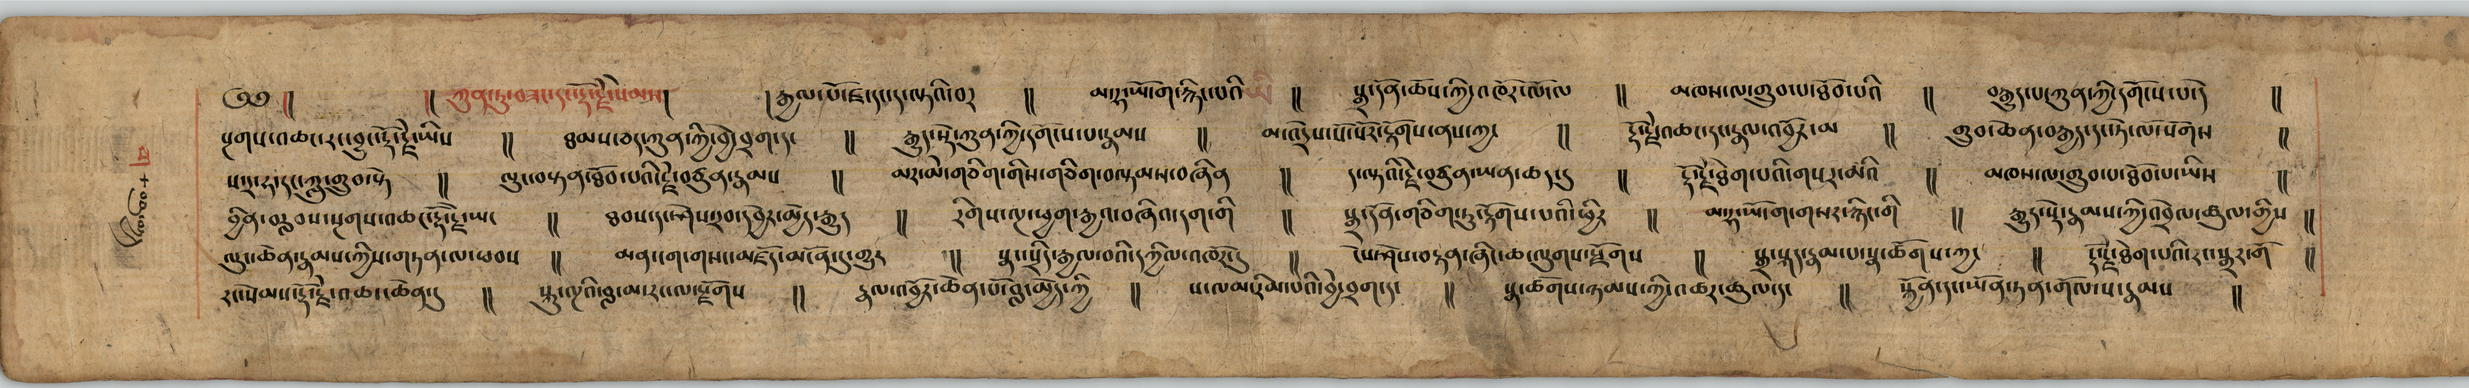༄༅།། །། ཀུན་ཏུ་བཟང་དང་རྡོ་རྗེ་སེམས། །རྒྱལ་པོ་ཛ་དང་ད་ལྟའི་བར །། མ་ཧ་ཡོ་ག་རྙིང་པའི །། སྒྲ་དོན་ཆོས་ཀྱི་འཁོར་ལོ་ལ །། མཁས་ལ་གྲུབ་པ་ཐོབ་པའི །། བརྒྱུད་པ་ཀུན་ཀྱི་དགོངས་པ་དེ
སྔགས་འཆང་རང་བྱུང་རྡོ་རྗེ་ཡིས །། ཐམས་ཅད་ཀུན་ཀྱི་བྱེ་བྲག་དང །། རྒྱུད་སྡེ་ཀུན་ཀྱི་དགོངས་པ་རྣམས །། མ་འདྲེས་སོ་སོར་རྟོགས་ནས་ཀྱང །། རྡོ་རྗེ་འཆང་དང་རྣལ་འབྱོར་མ །། གྲུབ་ཆེན་བརྒྱད་དང་ཏེ་ལོ་སོགས
ས་ར་ཧ་དང་ཀླུ་གྲུབ་སྟེ །། ལུང་བསྟན་ཐོབ་པའི་རྗེ་བཙུན་རྣམས །། མར་མེ་གཅིག་གིས་གཅིག་བལྟམས་བཞིན །། ད་ལྟའི་རྗེ་བཙུན་ཡན་ཆད་དུ །། རྡོ་རྗེ་ཐེག་པའི་གསར་མའི །། མཁས་ལ་གྲུབ་པ་ཐོབ་པ་ཡིས
བྱིན་བརླབས་སྔགས་འཆང་རྡོ་རྗེ་ཡང །། ཐབས་དང་ཤེས་རབ་དབྱེར་མྱེད་རྒྱུད །། རིགས་ལྔ་ཕྱག་རྒྱའ་བཞིའ་དག་གི །། སྒྲ་དོན་གཅིག་ཏུ་རྟོགས་པའི་ཕྱིར །། མ་ཧ་ཡོ་ག་གསར་རྙིང་གི །། རྒྱུད་སྡེ་རྣམས་ཀྱི་འབྲེལ་ཚུལ་གྱིས །།
ལུང་ཆེན་རྣམས་ཀྱིས་གཏན་ལ་ཕབས །། མན་ངག་གསང་མཛོད་མངོན་དུ་གྱུར །། སྣང་སྲིད་རྒྱལ་བའི་དཀྱིལ་འཁོར་དུ །། ངེས་ཤེས་བརྟན་ཞིང་ཆ་ལུགས་སྫོགས །། སྒྲ་སྐད་རྣམ་པ་སྣ་ཚོགས་ཀྱང །། རྡོ་རྗེ་ཐེག་པའི་རང་སྒྲར་གོ
རང་སེམས་རྡོ་རྗེ་འཆང་ཆེན་དུ །། སྐུ་ལྔའི་བླ་མ་རང་ལ་སྫོགས །། རྣལ་འབྱོར་ཆེན་པོ་བླ་མྱེད་ཀྱི །། ས་ལམ་རིམ་པའི་བྱེ་བྲག་དང །། སྣ་ཚོགས་ཉམས་ཀྱི་འཆར་ཚུལ་དང །། སྐྱོན་དང་ཡོན་ཏན་གོལ་ས་རྣམས